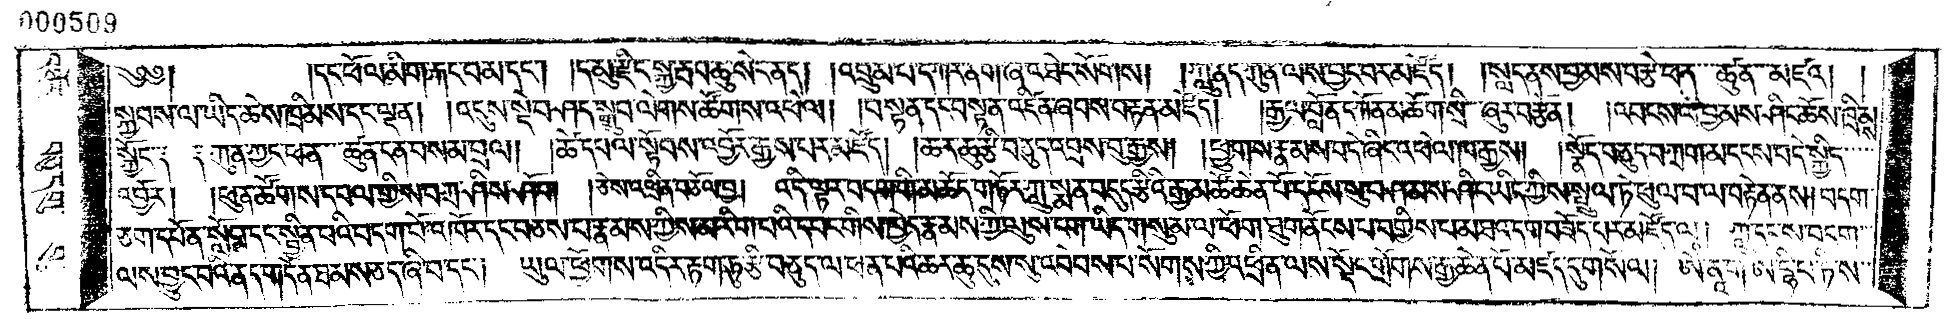༄༅། །དང་ཕོལ་མིག་རྐང་བམ་དང་། །དམུ་རྫིང་སྐྱ་རྦབ་ཆུ་སེར་ནད། །འབྲུམ་པ་དཀར་ནག་ཞ་འཐེང་སོགས། །ཀླུ་ནད་ཀུན་ལས་བྱང་བར་མཛོད། །སླད་ནས་བྱམས་བརྩེ་ཕན་ཚུན་མཛའ། །
སྐྱབས་ལ་ཡིད་ཆེས་ཁྲིམས་དང་ལྡན། །འདུས་སྡེ་བཤད་སྒྲུབ་ལེགས་ཚོགས་འཕེལ། །བསྟན་དང་བསྟན་འཛིན་ཞབས་བརྟན་མཛོད། །རྒྱལ་བློན་དཀོན་མཆོག་སྲི་ཞུར་བརྩོན། །འབངས་ལ་བྱམས་ཤིང་ཆོས་ཁྲིམས་
སྐྱོང༑ ༑ཀུན་ཀྱང་ཕན་ཚུན་ངན་བསམ་བྲལ། །ཚེ་དཔལ་སྟོབས་འབྱོར་རྒྱས་པར་མཛོད། །ཆར་ཆུ་རྩི་བཅུད་འབྲས་བུ་རྒྱས། །ཕྱུགས་རྣམས་བདེ་ཞིང་འཕེལ་ཁ་རྒྱས། །སྣོད་བཅུད་བཀྲག་མདངས་བདེ་སྐྱིད་
འབྱོར། །ཕུན་ཚོགས་དཔལ་གྱིས་བཀྲ་ཤིས་ཤོག ། ཅེས་འཕྲིན་བཅོལ་བྱ།  འདི་ལྟར་བདག་གི་མཆོད་གཏོར་ཀླུ་སྨན་བདུད་རྩིའི་རྒྱ་མཚོ་ཆེན་པོ་དངོས་སུ་བཤམས་ཤིང་ཡིད་ཀྱིས་སྤྲུལ་ཏེ་ཕུལ་བ་ལ་བརྟེན་ནས། བདག་
ཅག་དཔོན་སློབ་དང་སྦྱིན་པའི་བདག་པོ་འཁོར་དང་བཅས་པ་རྣམས་ཀྱིས་མ་རིག་པའི་དབང་གིས་ཁྱེད་རྣམས་ཀྱི་ལུས་ངག་ཡིད་གསུམ་ལ་ཕོག་ཐུག་ནོངས་པ་བགྱིས་པ་མཐའ་དག་བཟོད་པར་མཛོད་ལ། ཀླུ་དང་ས་བདག་
ལས་བྱུང་བའི་ནད་གདོན་ཐམས་ཅད་ཞི་བ་དང་། ཡུལ་ཕྱོགས་འདིར་རྟག་ཏུ་རྩི་བཅུད་ལ་ཕན་པའི་ཆར་ཆུ་དུས་སུ་འབེབས་པ་སོགས་ཀྱི་འཕྲིན་ལས་སྡོང་གྲོགས་རྒྱ་ཆེན་པོ་མཛད་དུ་གསོལ། ཨོཾ་ནཱ་ག་ཨ་དྷི་པ་ཏི་ས་